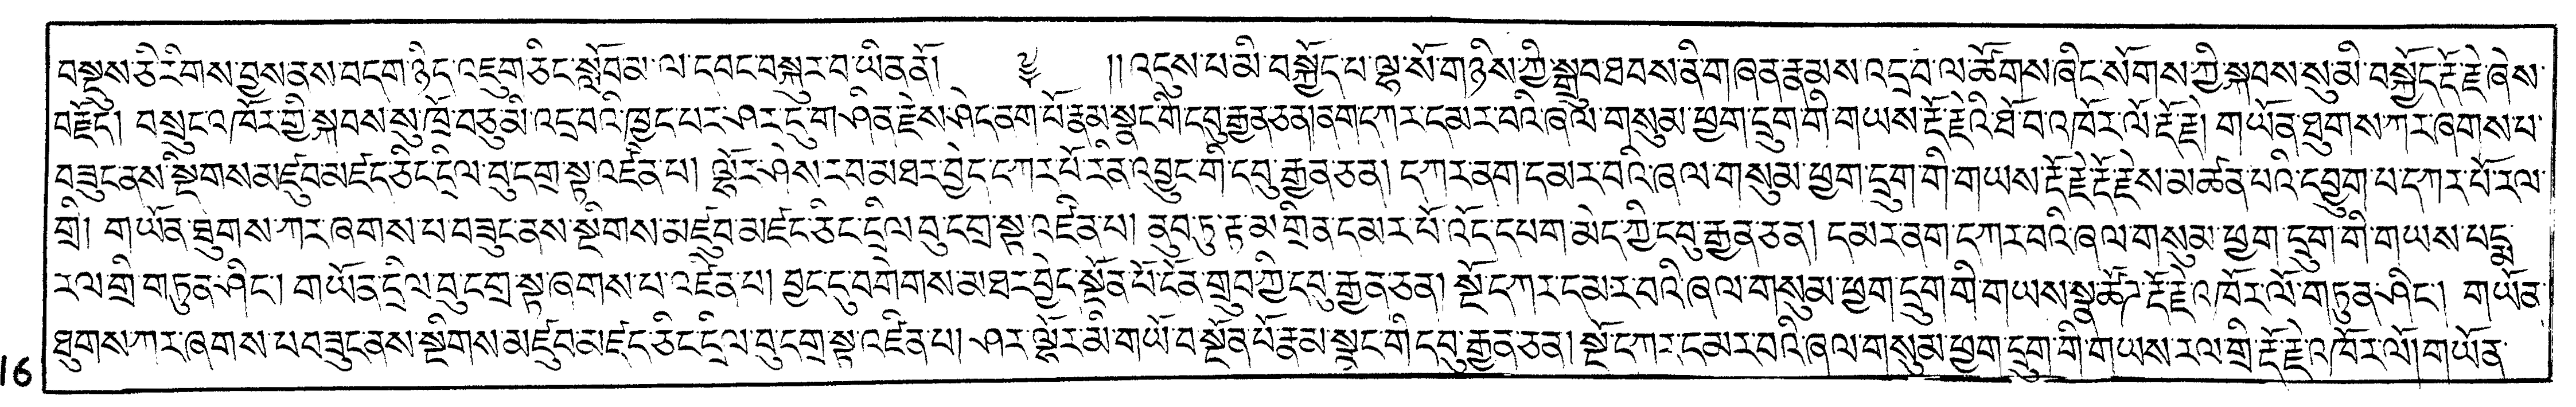བསྡུས་ཅི་རིགས་བྱས་ནས་བདག་ཉིད་འཇུག་ཅིང་སློབ་མ་ལ་དབང་བསྐུར་བ་ཡིན་ནོ། ༈ །།འདུས་པ་མི་བསྐྱོད་པ་ལྷ་སོ་གཉིས་ཀྱི་སྒྲུབ་ཐབས་ནི་གཞན་རྣམས་འདྲ་བ་ལ་ཚོགས་ཞིང་སོགས་ཀྱི་སྐབས་སུ་མི་བསྐྱོད་རྡོ་རྗེ་ཞེས་
བརྗོད། བསྲུང་འཁོར་གྱི་སྐབས་སུ་ཁྲོ་བཅུ་མི་འདྲ་བའི་ཁྱད་པར་ཤར་དུ་གཤིན་རྗེས་ཤེད་ནག་པོ་རྣམ་སྣང་གི་དབུ་རྒྱན་ཅན། ནག་དཀར་དམར་བའི་ཞལ་གསུམ་ཕྱག་དྲུག་གི་གཡས་རྡོ་རྗེའི་ཐོ་བ་འཁོར་ལོ་རྡོ་རྗེ། གཡོན་ཐུགས་ཀར་ཞགས་པ་
བཟུང་ནས་སྡིགས་མཛུབ་མཛད་ཅིང་དྲིལ་བུ་དགྲ་སྟ་འཛིན་པ། ལྷོར་ཤེས་རབ་མཐར་བྱེད་དཀར་པོ་རིན་འབྱུང་གི་དབུ་རྒྱན་ཅན། དཀར་ནག་དམར་བའི་ཞལ་གསུམ་ཕྱག་དྲུག་གི་གཡས་རྡོ་རྗེ་རྡོ་རྗེས་མཚན་པའི་དབྱུག་པ་དཀར་པོ་རལ་
གྲི། གཡོན་ཐུགས་ཀར་ཞགས་པ་བཟུང་ནས་སྡིགས་མཛུབ་མཛད་ཅིང་དྲིལ་བུ་དགྲ་སྟ་འཛིན་པ། ནུབ་ཏུ་རྟ་མགྲིན་དམར་པོ་འོད་དཔག་མེད་ཀྱི་དབུ་རྒྱན་ཅན། དམར་ནག་དཀར་བའི་ཞལ་གསུམ་ཕྱག་དྲུག་གི་གཡས་པདམ་
རལ་གྲི་གཏུན་ཤིང་། གཡོན་དྲིལ་བུ་དགྲ་སྟ་ཞགས་པ་འཛིན་པ། བྱང་དུ་བགེགས་མཐར་བྱེད་སྔོན་པོ་དོན་གྲུབ་ཀྱི་དབུ་རྒྱན་ཅན། སྔོ་དཀར་དམར་བའི་ཞལ་གསུམ་ཕྱག་དྲུག་གི་གཡས་སྣ་ཚོགས་རྡོ་རྗེ་འཁོར་ལོ་གཏུན་ཤིང་། གཡོན་
ཐུགས་ཀར་ཞགས་པ་བཟུང་ནས་སྡིགས་མཛུབ་མཛད་ཅིང་དྲིལ་བུ་དགྲ་སྟ་འཛིན་པ། ཤར་ལྷོར་མི་གཡོ་བ་སྔོན་པོ་རྣམ་སྣང་གི་དབུ་རྒྱན་ཅན། སྔོ་དཀར་དམར་བའི་ཞལ་གསུམ་ཕྱག་དྲུག་གི་གཡས་རལ་གྲི་རྡོ་རྗེ་འཁོར་ལོ། གཡོན་